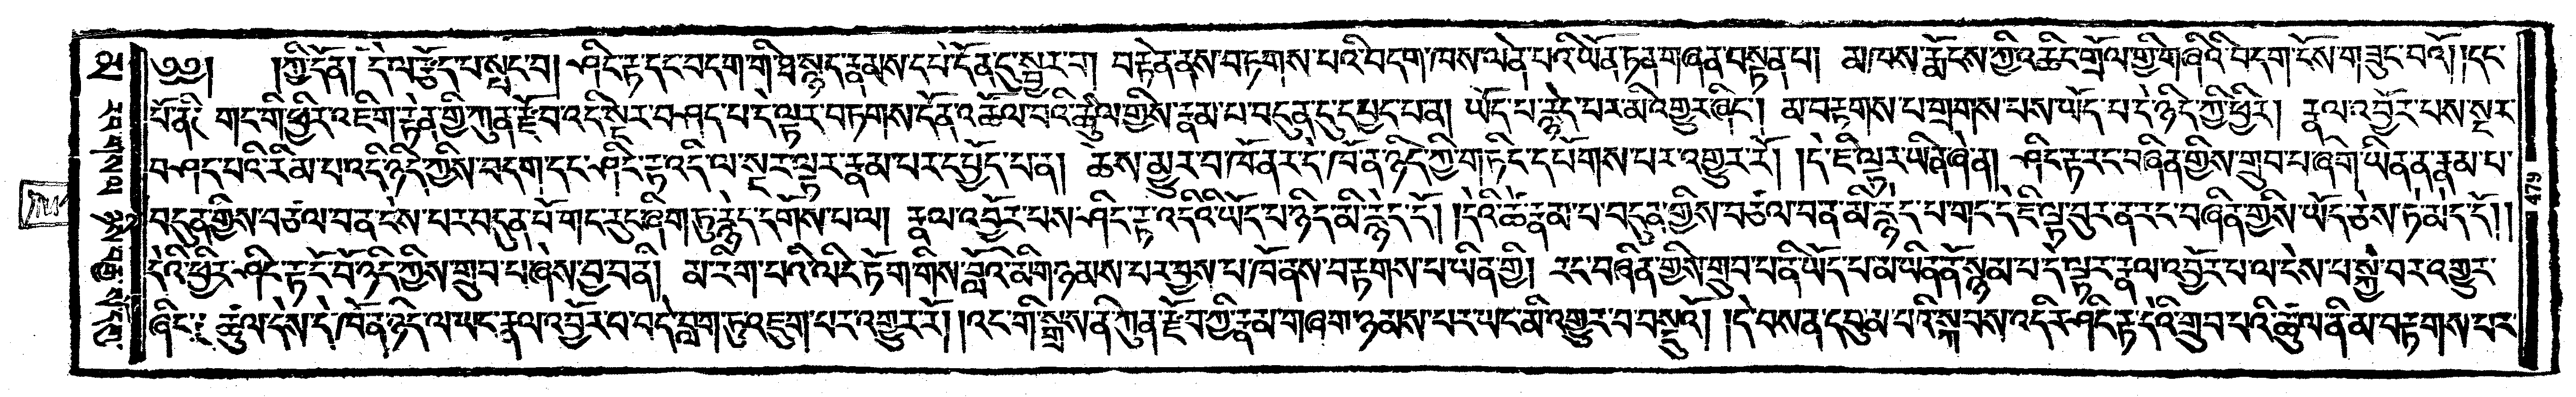༄༅། །ཀྱི་དོན། དེ་ལ་རྩོད་པ་སྤོང་བ། ཤིང་རྟ་དང་བདག་གི་ཐ་སྙད་རྣམས་དཔེ་དོན་དུ་སྦྱར་བ། བརྟེན་ནས་བཏགས་པའི་བདག་ཁས་ལེན་པའི་ཡོན་ཏན་གཞན་བསྟན་པ། མཁས་རྨོངས་ཀྱི་འཆིང་གྲོལ་གྱི་གཞིའི་བདག་ངོས་གཟུང་བའོ། །དང་
པོ་ནི༑ གང་གི་ཕྱིར་འཇིག་རྟེན་གྱི་ཀུན་རྫོབ་འདི་སྔར་བཤད་པ་དེ་ལྟར་བཏགས་དོན་འཚོལ་བའི་ཚུལ་གྱིས་རྣམ་པ་བདུན་དུ་དཔྱད་པ་ན། ཡོད་པ་རྙེད་པར་མི་འགྱུར་ཞིང་། མ་བརྟགས་པ་གྲགས་པས་ཡོད་པ་དེ་ཉིད་ཀྱི་ཕྱིར། རྣལ་འབྱོར་པས་སྔར་
བཤད་པའི་རིམ་པ་འདི་ཉིད་ཀྱིས་བདག་དང་ཤིང་རྟ་འདི་ལ་སྔར་ལྟར་རྣམ་པར་དཔྱོད་པ་ན། ཆེས་མྱུར་བ་ཁོ་ནར་དེ་ཁོ་ན་ཉིད་ཀྱི་གཏིང་དཔོགས་པར་འགྱུར་རོ། །དེ་ཇི་ལྟར་ཡིན་ཞེ་ན། ཤིང་རྟ་རང་བཞིན་གྱིས་གྲུབ་པ་ཞིག་ཡིན་ན་རྣམ་པ་
བདུན་གྱིས་བཙལ་བ་ན་ངེས་པར་བདུན་པོ་གང་རུང་ཞིག་ཏུ་རྙེད་དགོས་པ་ལ། རྣལ་འབྱོར་པས་ཤིང་རྟ་འདིའི་ཡོད་པ་ཉིད་མི་རྙེད་དོ། །དེའི་ཚེ་རྣམ་པ་བདུན་གྱིས་བཙལ་བ་ན་མི་རྙེད་པ་གང་དེ་ཇི་ལྟ་བུར་ན་རང་བཞིན་གྱིས་ཡོད་ཅེས་ཏེ་མེད་དོ།།
དེའི་ཕྱིར་ཤིང་རྟ་ངོ་བོ་ཉིད་ཀྱིས་གྲུབ་པ་ཞེས་བྱ་བ་ནི། མ་རིག་པའི་ལིང་ཏོག་གིས་བློའི་མིག་ཉམས་པར་བྱས་པ་ཁོ་ནས་བརྟགས་པ་ཡིན་གྱི། རང་བཞིན་གྱིས་གྲུབ་པ་ནི་ཡོད་པ་མ་ཡིན་ནོ་སྙམ་པ་དེ་ལྟར་རྣལ་འབྱོར་པ་ལ་ངེས་པ་སྐྱེ་བར་འགྱུར་
ཞིང༑ ཚུལ་དེས་དེ་ཁོ་ན་ཉིད་ལ་ཡང་རྣལ་འབྱོར་པ་བདེ་བླག་ཏུ་འཇུག་པར་འགྱུར་རོ། །འང་གི་སྒྲས་ནི་ཀུན་རྫོབ་ཀྱི་རྣམ་གཞག་ཉམས་པར་ཡང་མི་འགྱུར་བ་བསྡུའོ། །དེ་བས་ན་དབུ་མ་པའི་སྐབས་འདིར་ཤིང་རྟ་དེའི་གྲུབ་པའི་ཚུལ་ནི་མ་བརྟགས་པར་